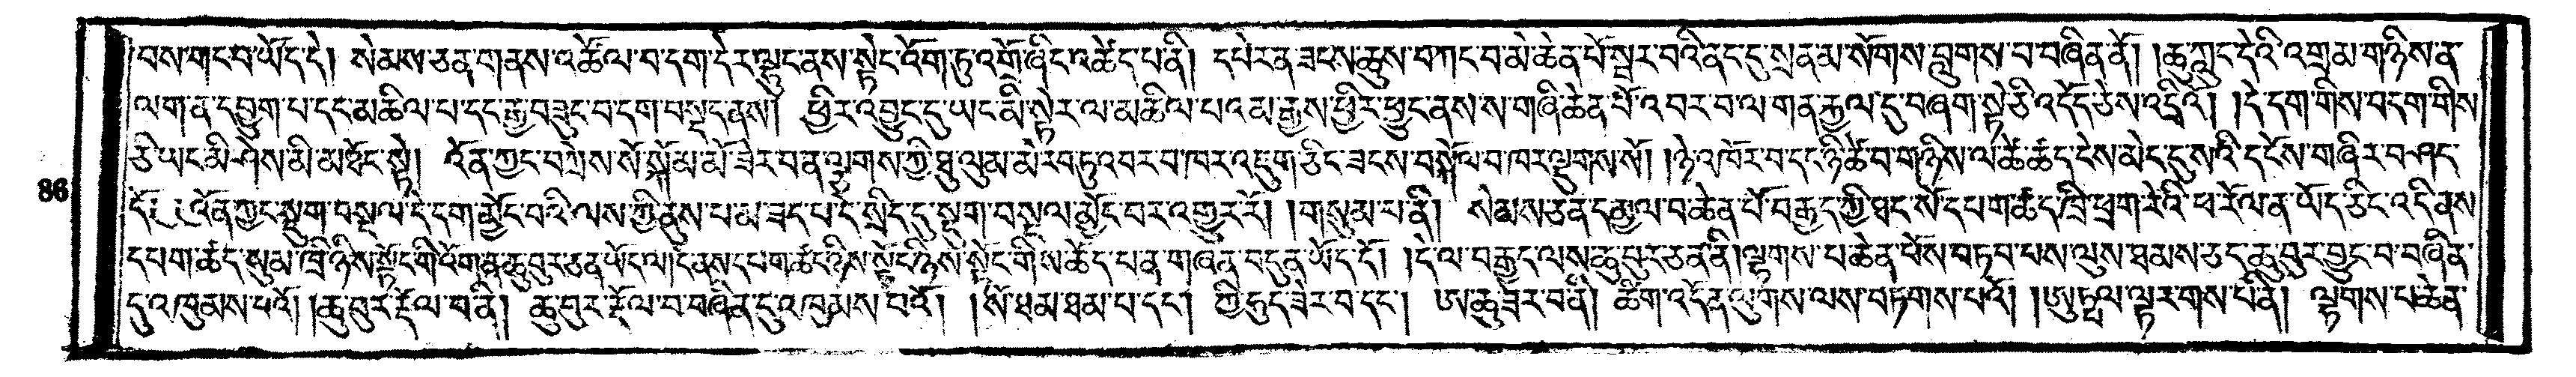བས་གང་བ་ཡོད་དེ། སེམས་ཅན་གནས་འཚོལ་བ་དག་དེར་ལྟུང་ནས་སྟེང་འོག་ཏུ་འགྲོ་ཞིང་འཚེད་པ་ནི། དཔེར་ན་ཟངས་ཆུས་བཀང་བ་མེ་ཆེན་པོ་སྦར་བའི་ནང་དུ་སྲན་མ་སོགས་བླུགས་པ་བཞིན་ནོ། །ཆུ་ཀླུང་དེའི་འགྲམ་གཉིས་ན་
ལག་ན་དབྱུག་པ་དང་མཆིལ་པ་དང་རྒྱ་བཟུང་བ་དག་བསྡད་ནས། ཕྱིར་འབྱུང་དུ་ཡང་མི་སྟེར་ལ་མཆིལ་པའམ་རྒྱས་ཕྱིར་ཕྱུང་ནས་ས་གཞི་ཆེན་པོ་འབར་བ་ལ་གན་རྐྱལ་དུ་བཞག་སྟེ་ཅི་འདོད་ཅེས་འདྲིའོ། །དེ་དག་གིས་བདག་གིས་
ཅི་ཡང་མི་ཤེས་མི་མཐོང་སྟེ། འོན་ཀྱང་བཀྲེས་སོ་སྐོམ་མོ་ཟེར་བ་ན་ལྕགས་ཀྱི་ཐུ་ལུམ་མེ་རབ་ཏུ་འབར་བ་ཁར་འཇུག་ཅིང་ཟངས་བསྐོལ་བ་ཁར་ལྡུགས་སོ། །ཉེ་འཁོར་བ་དང་ཉི་ཚེ་བ་གཉིས་ལ་ཚེ་ཚད་དེས་མེད་དུ་སའི་དངོས་གཞིར་བཤད་
དོ༑ ༑འོན་ཀྱང་སྡུག་བསྔལ་དེ་དག་མྱོང་བའི་ལས་ཀྱི་ནུས་པ་མ་ཟད་པ་དེ་སྲིད་དུ་སྡུག་བསྔལ་མྱོང་བར་འགྱུར་རོ། །གསུམ་པ་ནི། སེམས་ཅན་དམྱལ་བ་ཆེན་པོ་བརྒྱད་ཀྱི་ཐང་སོ་དཔག་ཚད་ཁྲི་ཕྲག་རེའི་ཕ་རོལ་ན་ཡོད་ཅིང་འདི་ནས་
དཔག་ཚད་སུམ་ཁྲི་ཉིས་སྟོང་གི་འོག་ན་ཆུ་བུར་ཅན་ཡོད་ལ། ད་ནས་དཔག་ཚང་ཉིས་སྟོང་ཉིས་སྟོང་གིས་ཆོད་པ་ན་གཞན་བདུན་ཡོད་དོ། །དེ་ལ་བརྒྱད་ལས་ཆུ་པུར་ཅན་ནི། ལྷགས་པ་ཆེན་པོས་བཏབ་པས་ལུས་ཐམས་ཅད་ཆུ་བུར་བྱུང་བ་བཞིན་
དུ་འཁུམས་པའོ། །ཆུ་བུར་རྡོལ་བ་ནི། ཆུ་བུར་རྡོལ་བ་བཞིན་དུ་འཁུམས་བའོ། །སོ་ཐམ་ཐམ་པ་དང་། ཀྱི་ཧུད་ཟེར་བ་དང་། ཨ་ཆུ་ཟེར་བ་ནི། ཚིག་འདོན་ལུགས་ལས་བཏགས་པའོ། །ཨུཏྤལ་ལྟར་གས་པ་ནི། ལྟགས་པ་ཆེན་